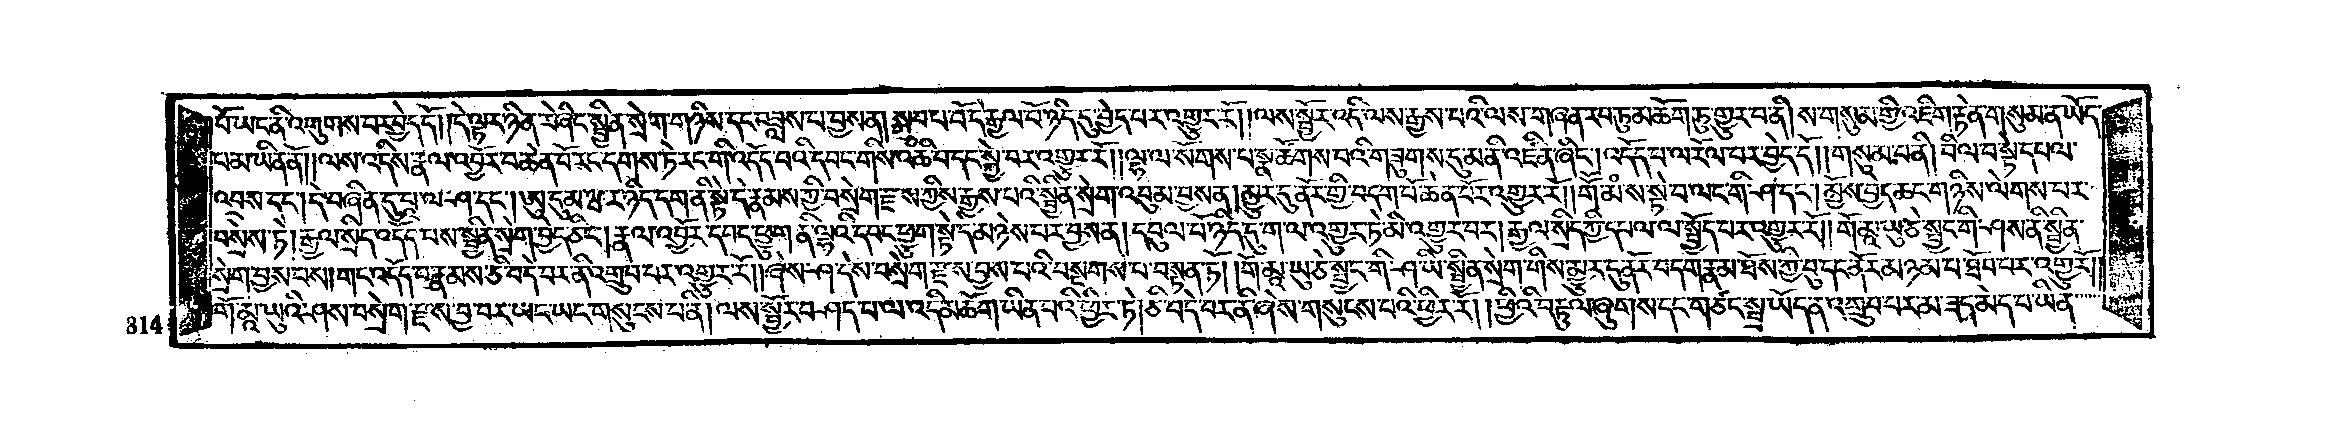པོ་ཡང་ནི་འགུགས་པར་བྱེད་དོ། །དེ་ལྟར་ཉིན་རེ་ཞིང་སྦྱིན་སྲེག་གཉིས་དང་བཟླས་པ་བྱས་ན། སྒྲུབ་པ་པོ་དེ་རྒྱལ་པོ་ཉིད་དུ་བྱེད་པར་འགྱུར་རོ། །ལས་སྦྱོར་འདི་ལས་རྒྱས་པའི་ལས་གཞན་རབ་ཏུ་མཆོག་ཏུ་གྱུར་བ་ནི། ས་གསུམ་གྱི་འཇིག་རྟེན་གསུམ་ན་ཡོད་
པ་མ་ཡིན་ནོ། །ལས་འདིས་རྣལ་འབྱོར་པ་ཆེན་པོ་རང་དགོས་ཏེ་རང་གི་འདོད་པའི་དབང་གིས་འཆི་བ་དང་སྐྱེ་བར་འགྱུར་རོ། །ལྷ་ལ་སོགས་པ་སྣ་ཚོགས་པའི་གཟུགས་དུ་མ་ནི་འཛིན་ཞིང་། འདོད་པ་ལ་རོལ་བར་བྱེད་དོ། །གསུམ་པ་ནི། བིལ་བ་སྟེ་དཔལ་
འབྲས་དང་། དེ་བཞིན་དུ་པཱ་ལ་ཤ་དང་། ཨུ་དུ་མ་ཝ་ར་ཉིད་དག་ནི་སྟེ་དེ་རྣམས་ཀྱི་བསྲེག་རྫས་ཀྱིས་རྒྱས་པའི་སྦྱིན་སྲེག་འབུམ་བྱས་ན། མྱུར་དུ་ནོར་གྱི་བདག་པོ་ཆེན་པོར་འགྱུར་རོ། །གཽ་མཾ་ས་སྟེ་བ་ལང་གི་ཤ་དང་། མྱོས་བྱེད་ཆང་གཉིས་ལེགས་པར་
བསྲེས་ཏེ། རྒྱལ་སྲིད་འདོད་པས་སྦྱིན་སྲེག་བྱེད་ཅིང་། རྣལ་འབྱོར་དབང་ཕྱུག་ནི་ལྷའི་དབང་ཕྱུག་སྟེ་དེ་མཉེས་པར་བྱས་ན། དབུལ་པོ་ཉིད་དུ་ག་ལ་འགྱུར་ཏེ་མི་འགྱུར་བར། རྒྱལ་སྲིད་ཀྱི་དཔལ་ལ་སྤྱོད་པར་འགྱུར་རོ། །གོ་མཱ་ཡུ་ཅེ་སྦྱང་གི་ཤས་ནི་སྦྱིན་
སྲེག་བྱས་པས། གང་འདོད་པ་རྣམས་ཅམ་བདེ་བར་ནི་འགྲུབ་པར་འགྱུར་རོ། །ཞེས་ཤ་དེས་བསྲེག་རྫས་བྱས་པའི་བསྔགས་པ་བསྟན་ཏོ། །གོ་མཱ་ཡུ་ཅེ་སྦྱང་གི་ཤ་ཡི་སྦྱིན་སྲེག་གིས་མྱུར་དུ་ནོར་བདག་རྣམ་ཐོས་ཀྱི་བུ་དང་ནོར་མཉམ་པ་ཐོབ་པར་འགྱུར་རོ། །
གོ་མཱ་ཡུའི་ཤས་བསྲེག་རྫས་བྱ་བར་ཡང་ཡང་གསུངས་པ་ནི། ལས་སྦྱོར་བཤད་པ་ལ་འདམ་མཆོག་ཡིན་པའི་ཕྱིར་ཏེ། ཅི་བདེ་བར་ནི་ཞེས་གསུངས་པའི་ཕྱིར་རོ། །ཕྱིའི་བརྟུལ་ཞུགས་དང་གཙང་སྦྲ་ཡོད་ན་འགྲུབ་པར་མ་ཟད་མེད་པ་ཡིན་